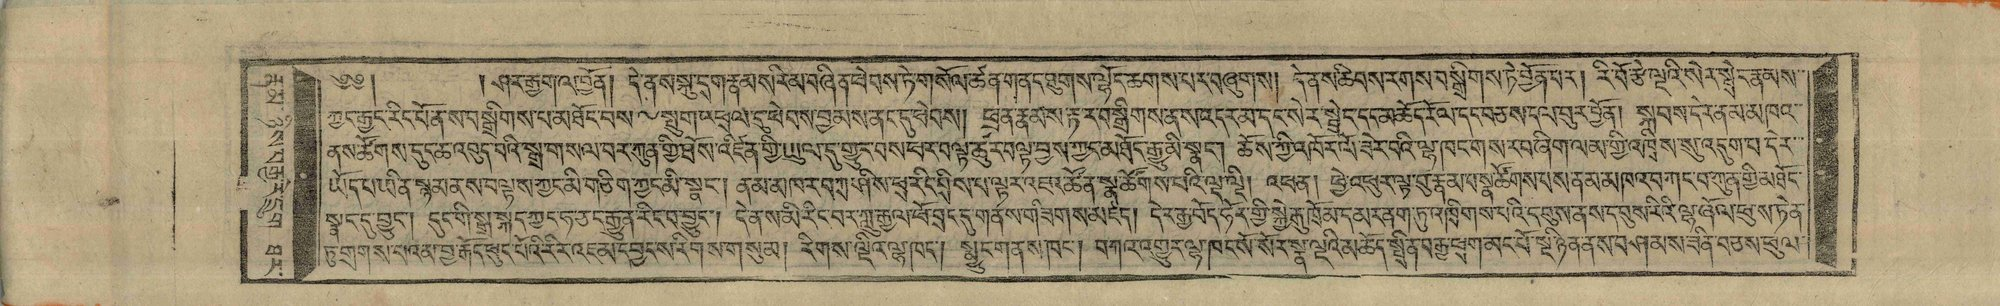༄༅། །ཤར་རྒྱག་ལ་བྱོན། དེ་ནས་སྐུ་དྲག་རྣམས་རིམ་བཞིན་ཕེབས་ཏེ་གསོལ་ཚན་གནང་ཐུགས་ལྷོད་ཆགས་པར་བཞུགས། དེ་ནས་ཆིབས་རགས་བསྒྲིགས་ཏེ་བྱོན་པར། རི་བོ་རྩེ་ལྔའི་སེར་སྦྲེང་རྣམས་
ཀྱང་རྒྱང་རིང་པོ་ནས་བསྒྲིགས་པ་མཐོང་བས་༧སྤུག་འཕྲལ་དུ་ཕེབས་བྱམས་ནང་དུ་ཕེབས། ཕྲན་རྣམས་རྟ་ར་བསྒྲིགས་ནས་འདར་མ་དང་སེར་སྦྲེང་དང་མཆོད་རོལ་དང་བཅས་དལ་བུར་བྱོན། སྐབས་དེར་ནམ་མཁའ་
ནས་ཚོགས་དུང་ཆ་འབུད་པའི་སྒྲ་གསལ་བར་ཀུན་གྱི་ཐོས་འཛིན་གྱི་ཡུལ་དུ་གྱུར་བས་ཕར་བལྟ་ཚུར་བལྟ་བྱས་ཀྱང་མཐོང་རྒྱུ་མི་སྣང་། ཆོས་ཀྱི་འཁོར་ལོ་ཟེར་བའི་ལྷ་ཁང་གསར་བ་ཞིག་ལམ་གྱི་འཁྲིས་སུ་འདུག་པ་དེར་
ཡོད་པ་ཡིན་སྙམ་ནས་བལྟས་ཀྱང་མི་གཅིག་ཀྱང་མི་སྣང་། ནམ་མཁར་བཀྲ་ཤིས་ཕྲ་རིང་བྲིས་པ་ལྟར་འཇའ་ཚོན་སྣ་ཚོགས་པའི་ལྔ་ལྡི། འཕན། ཕྱེ་འཕུར་ལྟ་བུ་རྣམ་པ་སྣ་ཚོགས་པས་ནམ་མཁའ་བཀང་བ་ཀུན་གྱི་མཐོང་
སྣང་དུ་བྱུང་། དུང་གི་སྒྲ་སྐད་ཀྱང་ཧ་ཅང་རྒྱུན་རིང་བ་བྱུང་། དེ་ནས་མི་རིང་བར་ཀླུ་རྒྱལ་ཕོ་བྲང་དུ་གནས་གཟིགས་མཛད། དེར་རྒྱ་བོད་ཧོར་གྱི་སྐྱེ་རྒུ་ཁྲོམ་དམར་ནག་ཏུ་འཁྲིགས་པའི་དབུས་ནས་དབུས་རིའི་ལྷ་ཞོལ་ཕུས་ཏེན་
ཏུ་གྲགས་པའམ་བྱ་རྒོད་ཕུང་པོའི་རིར་འཇམ་དབྱངས་རིགས་གསུམ། རིགས་ལྔའི་ལྷ་ཁང་། སྨྱུང་གནས་ཁང་། བཀའ་འགྱུར་ལྷ་ཁང་སོ་སོར་སྣ་ལྔའི་མཆོད་སྤྲིན་བརྒྱ་ཕྲག་མང་པོ་སྔ་ཉིན་ནས་བཤམས་ཟིན་བཅས་ཕུལ་